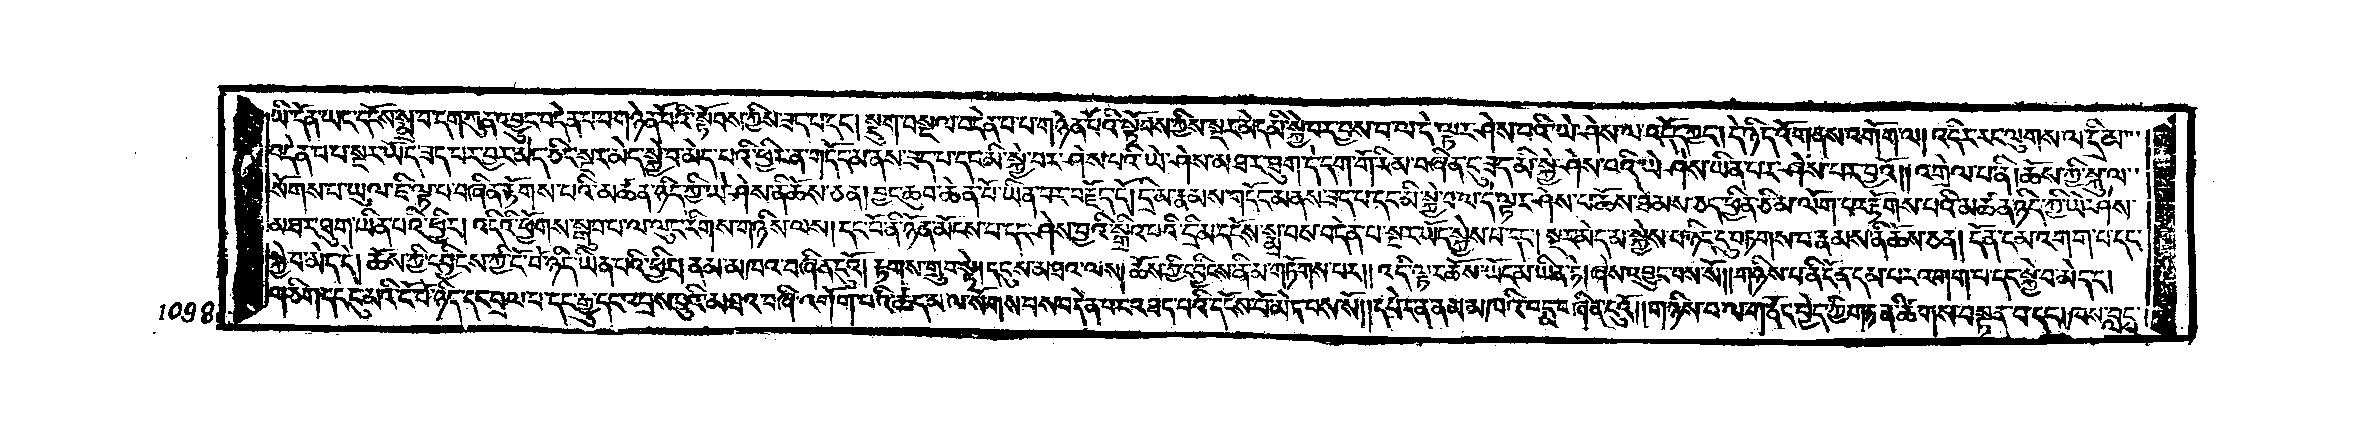ཡི་དོན་ཡང་དངོས་སྨྲ་བ་དག་ཀུན་འབྱུང་བདེན་པ་པ་གཉེན་པོའི་སྟོབས་ཀྱིས་ཟད་པ་དང་། སྡུག་བསྔལ་བདེན་པ་པ་གཉེན་པོའི་སྟོབས་ཀྱིས་སྔར་མེད་མི་སྐྱེ་བར་བྱས་པ་ལ་དེ་ལྟར་ཤེས་པའི་ཡེ་ཤེས་ལ་འདོད་ཀྱང་། དེ་ཉིད་འོག་ནས་འགོག་ལ། འདིར་རང་ལུགས་ལ་དྲི་མ་
བདེན་པ་སྔར་ཡོད་ཟད་པར་བྱར་མེད་ཅིང་སྔར་མེད་སྐྱེ་བ་མེད་པའི་ཕྱིར་ན་གདོད་མ་ནས་ཟད་པ་དང་མི་སྐྱེ་བར་ཤེས་པའི་ཡེ་ཤེས་མཐར་ཐུག་དེ་དག་གོ་རིམ་བཞིན་དུ་ཟད་མི་སྐྱེ་ཤེས་པའི་ཡེ་ཤེས་ཡིན་པར་ཤེས་པར་བྱའོ། །འགྲེལ་པ་ནི། ཆོས་ཀྱི་སྐུ་ལ་
སོགས་པ་ཡུལ་ཇི་ལྟ་བ་བཞིན་རྟོགས་པའི་མཚན་ཉིད་ཀྱི་ཡེ་ཤེས་ནི་ཆོས་ཅན། བྱང་ཆུབ་ཆེན་པོ་ཡིན་པར་བརྗོད་དོ། དྲི་མ་རྣམས་གདོང་མ་ནས་ཟད་པ་དང་མི་སྐྱེ་བ་ལ་དེ་ལྟར་ཤེས་པ་ཆོས་ཐམས་ཅད་ཕྱིན་ཅི་མ་ལོག་པར་རྟོགས་པའི་མཚན་ཉིད་ཀྱི་ཡེ་ཤེས་
མཐར་ཐུག་ཡིན་པའི་ཕྱིར། འདིའི་ཕྱོགས་སྒྲུབ་པ་ལ་ལུང་རིགས་གཉིས་ལས། དང་པོ་ནི་ཉོན་མོངས་པ་དང་ཤེས་བྱའི་སྒྲིབ་པའི་དྲི་མ་དངོས་སྨྲ་བས་བདེན་པ་སྔར་ཡོད་སྐྱེས་པ་དང་། སྔར་མེད་མ་སྐྱེས་པ་ཉིད་དུ་བཏགས་པ་རྣམས་ནི་ཆོས་ཅན། དོན་དམ་འགག་པ་དང་
སྐྱེ་བ་མེད་དེ། ཆོས་ཀྱི་དབྱིངས་ཀྱི་ངོ་བོ་ཉིད་ཡིན་པའི་ཕྱིར། ནམ་མཁའ་བཞིན་དུའོ། རྟགས་གྲུབ་སྟེ། དངུས་མཐའ་ལས། ཆོས་ཀྱི་དབྱིངས་ནི་མ་གཏོགས་པར། །འདི་ལྟར་ཆོས་ཡོད་མ་ཡིན་ཏེ། ཞེས་འབྱུང་བས་སོ། །གཉིས་པ་ནི་དོན་དམ་པར་འགག་པ་དང་སྐྱེ་བ་མེད་དེ།
གཅིག་དང་དུ་མའི་ངོ་བོ་ཉིད་དང་བྲལ་བ་དང་རྒྱུ་དང་འབྲས་བུའི་མཐའ་བཞི་འགོག་པའི་ཚད་མ་ལ་སོགས་པས་བདེན་པར་འཐད་པའི་དངོས་པོ་མེད་པས་སོ། །དཔེར་ན་ནམ་མཁའི་པདྨ་བཞིན་དུའོ། །གཉིས་པ་ལ་གནོད་བྱེད་ཀྱི་གཏན་ཚིགས་བསྟན་པ་དང་། ཁས་བླངས་